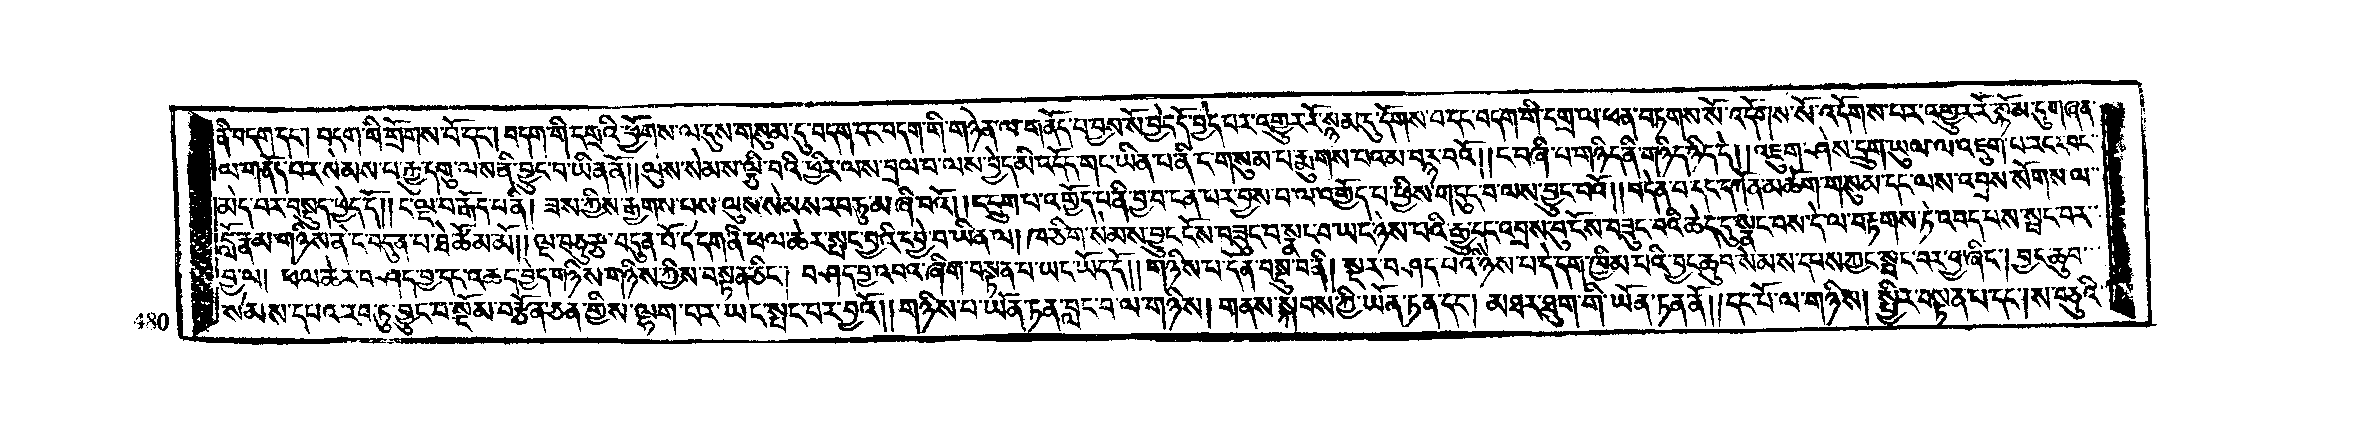ནི་བདག་དང་། བདག་གི་གྲོགས་པོ་དང་། བདག་གི་དགྲའི་ཕྱོགས་ལ་དུས་གསུམ་དུ་བདག་དང་བདག་གི་གཉེན་ལ་གནོད་པ་བྱས་སོ་བྱེད་དོ་བྱེད་པར་འགྱུར་རོ་སྙམ་དུ་དོགས་པ་དང་བདག་གི་དགྲ་ལ་ཕན་བཏགས་སོ་འདོགས་སོ་འདོགས་པར་འགྱུར་རོ་སྙོམ་དུ་གཞན་
ལ་གནོད་པར་སེམས་པ་རྒྱུ་དགུ་ལས་ནི་བྱུང་བ་ཡིན་ནོ། །ལུས་སེམས་ལྕི་བའི་ཕྱིར་ལས་བྲལ་བ་ལས་བྱེད་མི་འདོད་གང་ཡིན་པ་ནི་ང་གསུམ་པ་རྨུགས་པའམ་བརྙ་བའོ། །ང་བཞི་པ་གཉིད་ནི་གཉིད་ཉིད་དེ། །འཇུག་ཤེས་དྲུག་ཡུལ་ལ་འཇུག་པ་རང་དབང་
མེད་པར་བསྡུད་ཕྱེད་དོ། །ང་ལྔ་པ་རྒོད་པ་ནི། ཟས་ཀྱིས་རྒྱགས་པས་ལུས་སེམས་རབ་ཏུ་མ་ཞི་བའོ། །ང་དྲུག་པ་འགྱོད་པ་ནི་བྱ་བ་ངན་པར་བྱས་པ་ལ་འགྱོད་པ་ཕྱིས་གདུང་བ་ལས་བྱུང་བའོ། །བདེན་པ་དང་དཀོན་མཆོག་གསུམ་དང་ལས་འབྲས་སོགས་ལ་
བློ་རྣམ་གཉིས་ནི་ང་བདུན་པ་ཐེ་ཚོམ་མོ། །ལྔ་བཅུ་རྩ་བདུན་པོ་དེ་དག་ནི་ཕལ་ཆེར་སྤང་བྱའི་དབྱེ་བ་ཡིན་ལ། ཁ་ཅིག་སེམས་བྱུང་ངོས་བཟུང་བ་སྣང་བ་ཡང་ཉེས་པའི་རྒྱུ་དང་འབྲས་བུ་ངོས་བཟུང་བའི་ཆེད་དུ་སྣང་བས་དེ་ལ་བརྟགས་ཏེ་འབད་པས་སྤང་བར་
བྱ་ལ། ཕལ་ཆེར་བཤད་བྱ་དང་འཆད་བྱེད་གཉིས་གཉིས་ཀྱིས་བསྟན་ཅིང་། བཤད་བྱ་འབའ་ཞིག་བསྟན་པ་ཡང་ཡོད་དོ། །གཉིས་པ་དོན་བསྡུ་བ་ནི། སྔར་བཤད་པའི་ཉེས་པ་དེ་དག་ཁྱིམ་པའི་བྱང་ཆུབ་སེམས་དཔས་ཀྱང་སྤང་བར་བྱ་ཞིང་། བྱང་ཆུབ་
སེམས་དཔའ་རབ་ཏུ་བྱུང་བ་སྡོམ་བརྩོན་ཅན་གྱིས་ལྷག་པར་ཡང་སྤང་བར་བྱའོ། །གཉིས་པ་ཡོན་ཏན་བླང་བ་ལ་གཉིས། གནས་སྐབས་ཀྱི་ཡོན་ཏན་དང་། མཐར་ཐུག་གི་ཡོན་ཏན་ནོ། །དང་པོ་ལ་གཉིས། སྤྱིར་བསྟན་པ་དང་། ས་བཅུའི་